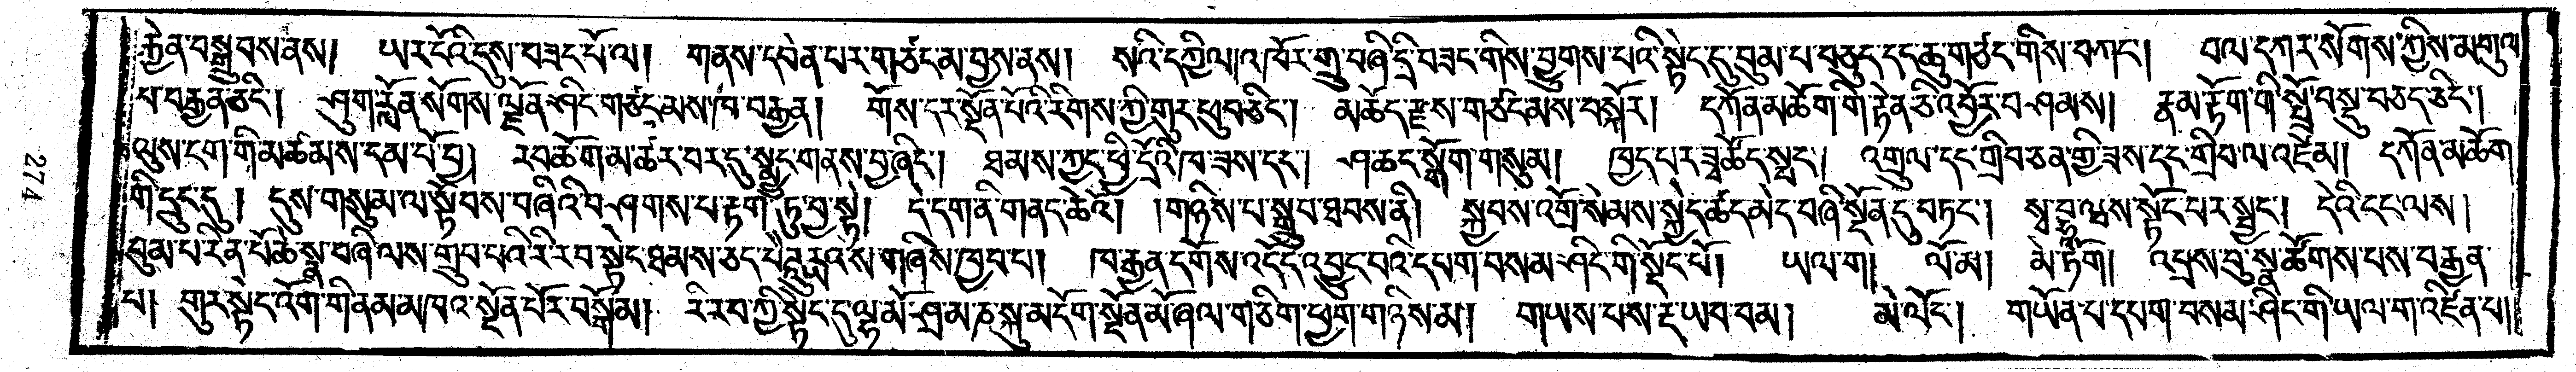རྐྱེན་བསྒྲུབས་ནས། ཡར་ངོའི་དུས་བཟང་པོ་ལ། གནས་དབེན་པར་གཙང་མ་བྱས་ནས། སའི་དཀྱིལ་འཁོར་གྲུབ་བཞི་དྲི་བཟང་གིས་བྱུགས་པའི་སྟེང་དུ་བུམ་པ་བཅུད་དང་ཆུ་གཙང་གིས་བཀང་། བལ་དཀར་སོགས་ཀྱིས་མགུལ་
པ་བརྒྱན་ཅིང་། ཤུག་རློན་སོགས་ལྗོན་ཤིང་གཙང་མས་ཁ་བརྒྱན། གོས་དར་སྔོན་པོའི་རིགས་ཀྱི་གུར་ཕུབ་ཅིང་། མཆོད་རྫས་གཙང་མས་བསྐོར། དཀོན་མཆོག་གི་རྟེན་ཅི་འབྱོར་བཤམས། རྣམ་རྟོག་གི་སྤྲོ་བསྡུ་བཅད་ཅིང་།
ལུས་ངག་གི་མཚམས་དམ་པོ་བྱ། རབ་ཆོ་ག་མ་ཚར་བར་དུ་སྨྱུང་གནས་བྱ་ཞིང་། ཐམས་ཀྱང་ཕྱི་དྲོའི་ཁ་ཟས་དང་། ཤ་ཆད་སྒོག་གསུམ། ཁྱད་པར་ཟྭ་ཚོད་སྤང་། འགྲུལ་དང་གྲིབ་ཅན་གྱི་ཟས་དང་གྲིབ་ལ་འཛེམ། དཀོན་མཆོག་
གི་དྲུང་དུ། དུས་གསུམ་ལ་སྟོབས་བཞིའི་བཤགས་པ་རྟག་ཏུ་བྱ་སྟེ། དེ་དག་ནི་གནད་ཆེའོ། །གཉིས་པ་སྒྲུབ་ཐབས་ནི། སྐྱབས་འགྲོ་སེམས་སྐྱེད་ཚད་མེད་བཞི་སྔོན་དུ་བཏང་། སྭ་བྷ་ཝས་སྟོང་པར་སྦྱང་། དེའི་དང་ལས།
བུམ་པ་རིན་པོ་ཆེ་སྣ་བཞི་ལས་གྲུབ་པའི་རི་རབ་སྟེང་ཐམས་ཅད་པཻཌཱུ་རྱའི་ས་གཞིས་ཁྱབ་པ། ཁ་རྒྱན་དགོས་འདོད་འབྱུང་བའི་དཔག་བསམ་ཤིང་གི་སྡོང་པོ། ཡལ་ག། ལོ་མ། མེ་ཏོག། འྤྲས་བུ་སྣ་ཚོགས་པས་བརྒྱན་
པ། གུར་སྟེང་འོག་གི་ནམ་མཁའ་སྔོན་པོར་བསྒོམ། རི་རབ་ཀྱི་སྟེང་དུ་ལྷ་མོ་ཤྲ་མ་ཎ་སྐུ་མདོག་སྔོན་མོ་ཞལ་གཅིག་ཕྱག་གཉིས་མ། གཡས་པས་རྡ་ཡབ་བམ། མེ་ལོང་། གཡོན་པ་དཔག་བསམ་ཤིང་གི་ཡལ་ག་འཛིན་པ།